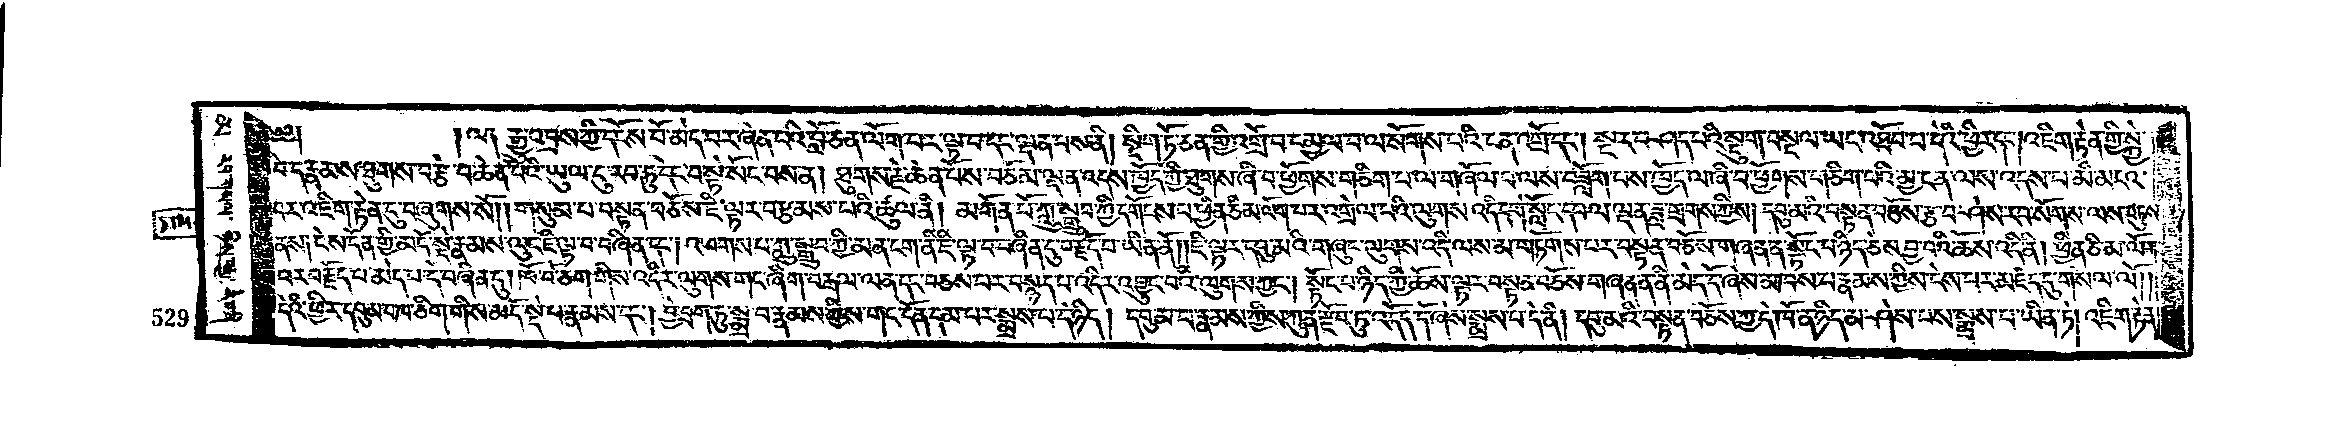༄༅། །ལ། རྒྱུ་འབྲས་ཀྱི་དངོས་པོ་མེད་པར་ཞེན་པའི་བློ་ཅན་ལོག་པར་ལྟ་བ་དང་ལྡན་པས་ནི། སྡིག་ཏོ་ཅན་གྱི་འགྲོ་བ་དམྱལ་བ་ལ་སོགས་པའི་ངན་འགྲོ་དང་། སྔར་བཤད་པའི་སྡུག་བསྔལ་ཡང་འཐོབ་པ་དེའི་ཕྱིར་དང་། འཇིག་རྟེན་གྱི་སྐྱེ་
བོ་དེ་རྣམས་ཐུགས་བརྩེ་བ་ཆེན་པོའི་ཡུལ་དུ་རབ་ཏུ་དོང་བ་སྟེ་སོང་བས་ན། ཐུགས་རྗེ་ཆེན་པོས་བཅོམ་ལྡན་འདས་ཁྱོད་ཀྱི་ཐུགས་ཞི་བ་ཕྱོགས་གཅིག་པ་ལ་གཞོལ་བ་ལས་བཟློག་པས་ཁྱོད་ལ་ཞི་བ་ཕྱོགས་གཅིག་པའི་མྱ་ངན་ལས་འདས་པ་མི་མངའ་
བར་འཇིག་རྟེན་དུ་བཞུགས་སོ། །གསུམ་པ་བསྟན་བཅོས་ཇི་ལྟར་བརྩམས་པའི་ཚུལ་ནི། མགོན་པོ་ཀླུ་སྒྲུབ་ཀྱི་དགོངས་པ་ཕྱིན་ཅི་མ་ལོག་པར་འགྲེལ་པའི་ལུགས་འདི་དགེ་སློང་དཔལ་ལྡན་ཟླ་གྲགས་ཀྱིས། དབུ་མའི་བསྟན་བཅོས་རྩ་བ་ཤེས་རབ་སོགས་ལས་བཏུས་
ནས། ངེས་དོན་གྱི་མདོ་སྡེ་རྣམས་ལུང་ཇི་ལྟ་བ་བཞིན་དང་། འཕགས་པ་ཀླུ་སྒྲུབ་ཀྱི་མན་ངག་ནི་ཇི་ལྟ་བ་བཞིན་དུ་བརྗོད་པ་ཡིན་ནོ། །ཇི་ལྟར་དབུ་མའི་གཞུང་ལུགས་འདི་ལས་མ་གཏོགས་པར་བསྟན་བཅོས་གཞན་ན་སྟོང་པ་ཉིད་ཅེས་བྱ་བའི་ཆོས་འདི་ནི། ཕྱིན་ཅི་མ་ལོག་
པར་བརྗོད་པ་མེད་པ་དེ་བཞིན་དུ། ཁོ་བོ་ཅག་གིས་འདིར་ལུགས་གང་ཞིག་བརྒལ་ལན་དང་བཅས་པར་བསྙད་པ་འདིར་འབྱུང་བའི་ལུགས་ཀྱང་། སྟོང་པ་ཉིད་ཀྱི་ཆོས་ལྟར་བསྟན་བཅོས་གཞན་ན་ནི་མེད་དོ་ཞེས་མཁས་པ་རྣམས་ཀྱིས་ངེས་པར་མཛད་དུ་གསོལ་ལོ། །
དེའི་ཕྱིར་དབུ་མ་པ་ཁ་ཅིག་གིས་མདོ་སྡེ་པ་རྣམས་དང་། བྱེ་བྲག་ཏུ་སྨྲ་བ་རྣམས་ཀྱིས་གང་དོན་དམ་པར་སྨྲས་པ་དེ་ཉིད། དབུ་མ་པ་རྣམས་ཀྱིས་ཀུན་རྫོབ་ཏུ་འདོད་དོ་ཞེས་སྨྲས་པ་དེ་ནི། དབུ་མའི་བསྟན་བཅོས་ཀྱི་དེ་ཁོ་ན་ཉིད་མ་ཤེས་པས་སྨྲས་པ་ཡིན་ཏེ། འཇིག་རྟེན་